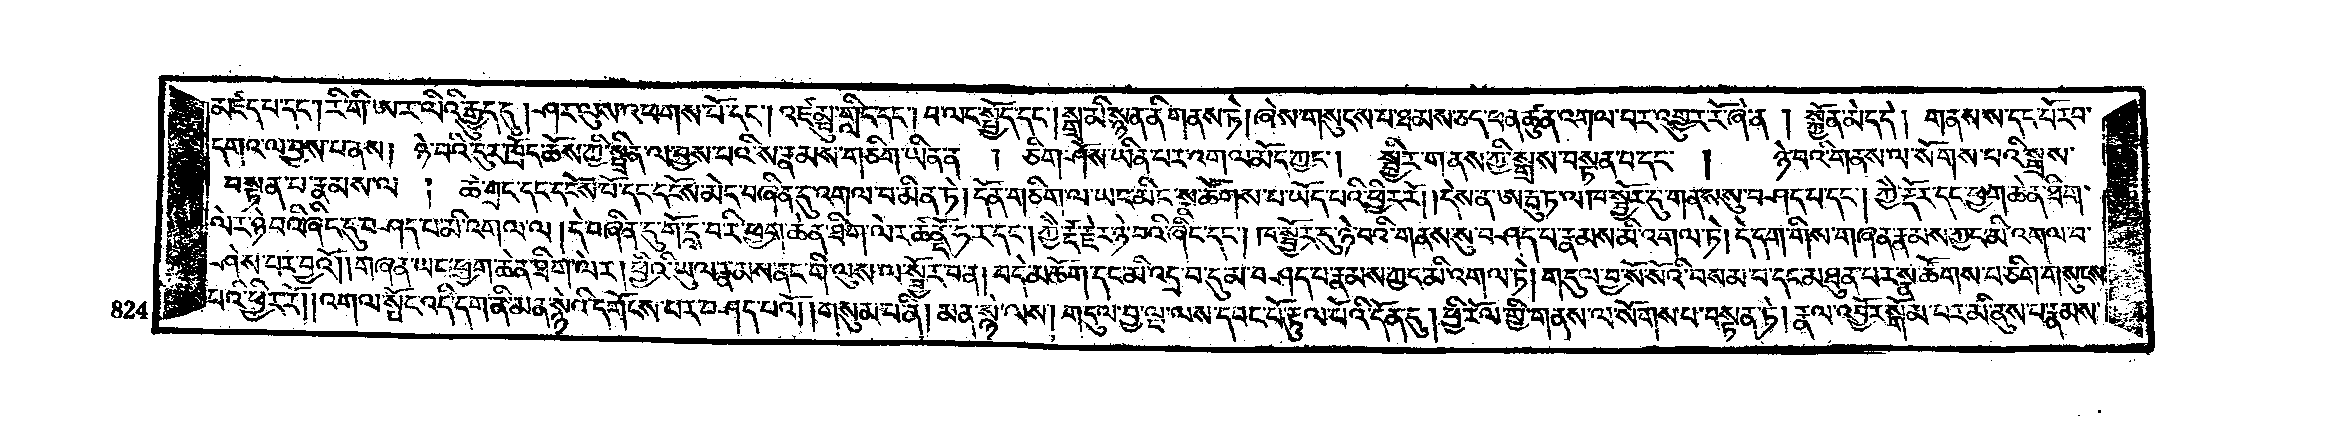མཛད་པ་དང་། རི་གི་ཨ་ར་ལིའི་རྒྱུད་དུ། ཤར་ལུས་འཕགས་པོ་དང་། འཛམྦུ་གླིང་དང་། བ་ལང་སྤྱོད་དང་། སྒྲ་མི་སྙན་ནི་གནས་ཏེ། ཞེས་གསུངས་པ་ཐམས་ཅད་ཕན་ཚུན་འགལ་བར་འགྱུར་རོ་ཞེ་ན། སྐྱོན་མེད་དེ། གནས་ས་དང་པོ་རབ་
དགའ་ལ་བྱས་པ་ནས། ཉེ་བའི་དུར་ཁྲོད་ཆོས་ཀྱི་སྤྲིན་ལ་བྱས་པའི་ས་རྣམས་གཅིག་ཡིན་ན། ཅིག་ཤོས་ཡིན་པར་འགལ་མོད་ཀྱང་། སྤྱིར་གནས་ཀྱི་སྒྲས་བསྟན་པ་དང་། ཉེ་བའི་གནས་ལ་སོགས་པའི་སྒྲས་
བསྟན་པ་རྣམས་ལ། ཚ་གྲང་དང་དངོས་པོ་དང་དངོས་མེད་བཞིན་དུ་འགལ་བ་མིན་ཏེ། དོན་གཅིག་ལ་ཡང་མིང་སྣ་ཚོགས་པ་ཡོད་པའི་ཕྱིར་རོ། །དེས་ན་ཨརྦུ་ཏ་ལ་ཁ་སྦྱོར་དུ་གནས་སུ་བཤད་པ་དང་། ཀྱཻ་རྡོར་དང་ཕྱག་ཆེན་ཐིག་
ལེར་ཉེ་བའི་ཞིང་དུ་བཤད་པ་མི་འགལ་ལ། དེ་བཞིན་དུ་གོ་དཱ་བ་རི་ཕྱག་ཆེན་ཐིག་ལེར་ཚནྡོ་ཧ་ར་དང་། ཀྱཻ་རྡོ་རྗེ་ཉེ་བའི་ཞིང་དང་། ཁ་སྦྱོར་དུ་ཉེ་བའི་གནས་སུ་བཤད་པ་རྣམས་མི་འགལ་ཏེ། དེ་དག་གིས་གཞན་རྣམས་ཀྱང་མི་འགལ་བ་
ཤེས་པར་བྱའོ། །གཞན་ཡང་ཕྱག་ཆེན་ཐིག་ལེར། ཕྱིའི་ཡུལ་རྣམས་ནང་གི་ལུས་ལ་སྦྱོར་བ་ན། བདེ་མཆོག་དང་མི་འདྲ་བ་དུ་མ་བཤད་པ་རྣམས་ཀྱང་མི་འགལ་ཏེ། གདུལ་བྱ་སོ་སོའི་བསམ་པ་དང་མཐུན་པར་སྣ་ཚོགས་པ་ཅིག་གསུངས་
པའི་ཕྱིར་རོ། །འགལ་སྤོང་འདི་དག་ནི་མན་སྙེའི་དགོངས་པར་བཤད་པའོ། །གསུམ་པ་ནི། མན་སྙེ་ལས། གདུལ་བྱ་ལྔ་ལས་དབང་པོ་རྟུལ་པོའི་དོན་དུ། ཕྱི་རོལ་གྱི་གནས་ལ་སོགས་པ་བསྟན་ཏེ། རྣལ་འབྱོར་སྒོམ་པར་མི་ནུས་པ་རྣམས་